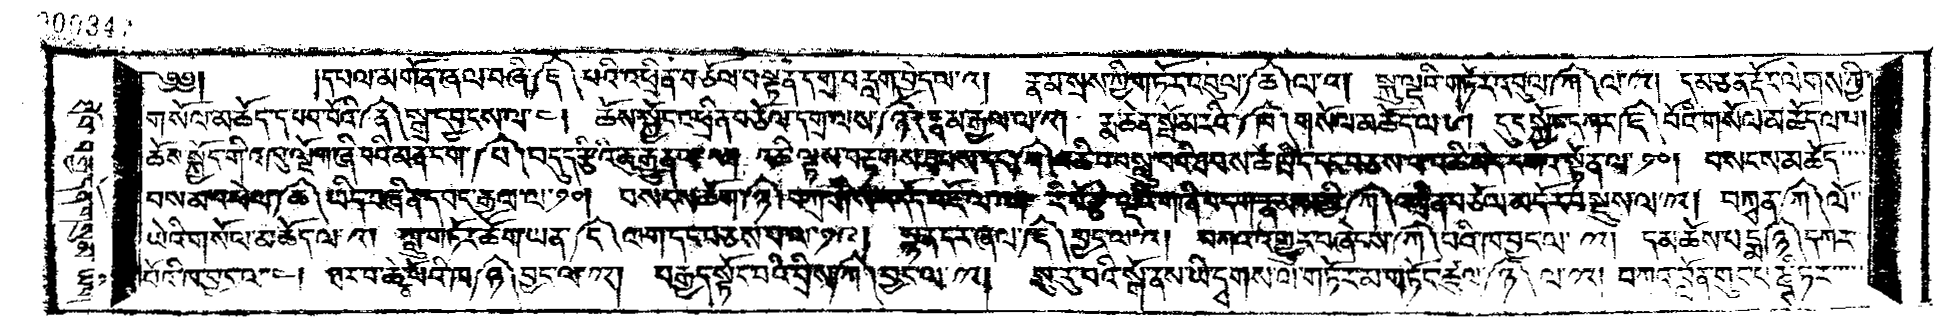༄༅། །དཔལ་མགོན་ཞལ་བཞི ༼ཇ༽ པའི་འཕྲིན་བཅོལ་བསྟན་དགྲ་བརླག་བྱེད་ལ ༢། རྣམ་སྲས་ཀྱི་གཏོར་འབུལ ༼ཆ༽ ལ ༢། སྐུ་ལྔའི་གཏོར་འབུལ ༼ཀ༽ ལ ༡༢། དམ་ཅན་རྡོར་ལེགས་ཀྱི་
གསོལ་མཆོད་དཔའ་བོའི ༼ན༽ སྒྲ་དབྱངས་ལ ༤། ཆོས་སྐྱོང་འཕྲིན་བཅོལ་དགྲ་ལས ༼ཉ༽ རྣམ་རྒྱལ་ལ ༢། རྨ་ཆེན་སྤོམ་རྡའི ༼ཁ༽ གསོལ་མཆོད་ལ ༦། དུང་སྐྱོང་དཀར ༼ཇ༽ པོའི་གསོལ་མཆོད་ལ ༥།
ཆོས་སྐྱོང་གི་འཁུ་ལྡོག་ཞི་བའི་མན་ངག ༼པ༽ བདུད་རྩིའི་ཆུ་རྒྱུན་ལ ༧། འཆི་ལྟས་བརྟགས་ཐབས་དང ༼ཀ༽ འཆི་བ་བསླུ་བའི་ཐབས་ཚེ་ཁྲིད་དང་བཅས་པ་འཆི་མེད་དགའ་སྟོན་ལ ༡༠། བསངས་མཆོད་
བསམ་འཕེལ ༼ཆ༽ ཡིད་བཞིན་དབང་རྒྱལ་ལ ༡༠། བསངས་ཆོག ༼ཉ༽ བཀྲ་ཤིས་འདོད་འཇོ་ལ ༧། རི་བོ་རྩེ་ལྔའི་གཞི་བདག་རྣམས་ཀྱི ༼ཀ༽ འཕྲིན་བཅོལ་མདོར་བསྡུས་ལ ༣། བཀྭན ༼ཀ༽ ལོ་
ཡེའི་གསོལ་མཆོད་ལ ༢། ཀླུ་གཏོར་ཆོ་ག་ཡན ༼ང༽ ལག་དང་བཅས་པ་ལ ༡༩། སྙན་དར་ཞལ ༼ཇ༽ བྱད་ལ ༢། བཀའ་འགྱུར་བཞེངས ༼ཀ༽ པའི་ཁ་བྱང་ལ ༡༢། དམ་ཆོས་པདམ ༼ཉ༽ དཀར་
པོའི་ཁ་བྱང་ལ ༤། ཐར་པ་ཆེན་པོའི་ཁ ༼ཉ༽ བྱང་ལ ༡༢། བརྒྱད་སྟོང་པའི་བྲིས ༼ཀ༽ བྱང་ལ ༣། སུ་རུ་བའི་སྒོ་ནས་ཡི་དྭགས་ལ་གཏོར་མ་གཏོང་ཚུལ ༼ཉ༽ ལ ༣། བཀའ་བློན་གུང་པཎྜི་ཏ་ར་